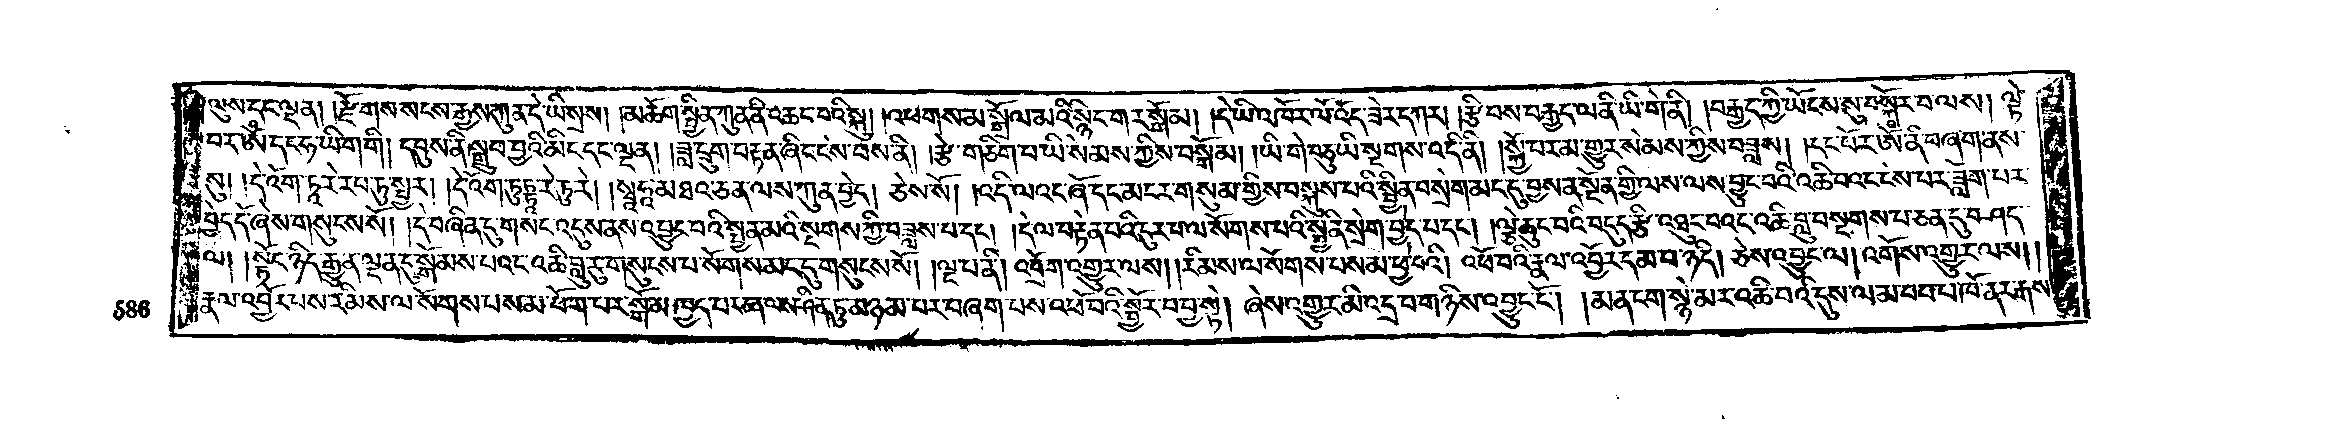ལུས་དང་ལྡན། །རྫོགས་སངས་རྒྱས་ཀུན་དེ་ཡི་སྲས། །མཆོག་སྦྱིན་ཀུན་ནི་འཆང་བའི་སྐུ། །འཕགས་མ་སྒྲོལ་མའི་སྙིང་གར་སྒོམ། །དེ་ཡི་འཁོར་ལོ་འོད་ཟེར་དཀར། །རྩིབས་བརྒྱད་ལ་ནི་ཡི་གེ་ནི། །བརྒྱད་ཀྱི་ཡོངས་སུ་བསྐོར་བ་ལས། ལྟེ་
བར་ཨོཾ་དང་ཧ་ཡིག་གི །དབུས་ནི་སྒྲུབ་བྱའི་མིང་དང་ལྡན། །ཟླ་དྲུག་བརྟན་ཞིང་ངེས་པས་ནི། །རྩེ་གཅིག་པ་ཡི་སེམས་ཀྱིས་བསྒོམ། །ཡི་གེ་བཅུ་ཡི་སྔགས་འདི་ནི། །སྐྱོ་བར་མ་གྱུར་སེམས་ཀྱིས་བཟླས། །དང་པོར་ཨོཾ་ནི་བཞག་ནས་
སུ། །དེ་འོག་ཏཱ་རེ་རབ་ཏུ་སྦྱར། །དེ་འོག་ཏུཏྟཱ་རེ་ཏུ་རེ། །སྭཱ་ཧཱ་མཐའ་ཅན་ལས་ཀུན་བྱེད། ཅེས་སོ། །འདི་ལའང་ཞོ་དང་མངར་གསུམ་གྱིས་བསྐུས་པའི་སྦྱིན་བསྲེག་མང་དུ་བྱས་ན་སྔོན་གྱི་ལས་ལས་བྱུང་བའི་འཆི་བའང་ངེས་པར་ཟློག་པར་
བྱེད་དོ་ཞེས་གསུངས་སོ། །དེ་བཞིན་དུ་གསང་འདུས་ནས་འབྱུང་བའི་སྤྱན་མའི་སྔགས་ཀྱི་བཟླས་པ་དང་། །དེ་ལ་བརྟེན་པའི་དུར་པ་ལ་སོགས་པའི་སྦྱིན་སྲེག་བྱེད་པ་དང་། །ལྕེ་ཆུང་བའི་བདུད་རྩི་འཐུང་བའང་འཆི་བླུ་བསྔགས་པ་ཅན་དུ་བཤད་
ལ། །སྟོང་ཉིད་རྒྱུན་ལྡན་དུ་སྒོམས་པའང་འཆི་བླུ་རུ་གསུངས་པ་སོགས་མང་དུ་གསུངས་སོ། །ལྔ་པ་ནི། འབྲོག་འགྱུར་ལས། །རིམས་ལ་སོགས་པས་མ་ཕྱེ་བའི། འཕོ་བའི་རྣལ་འབྱོར་དམ་པ་ཉིད། ཅེས་འབྱུང་ལ། འགོས་འགྱུར་ལས། །
རྣལ་འབྱོར་པས་རིམས་ལ་སོགས་པས་མ་ཕོག་པར་སྒོམ་ཁྱད་པར་ཅན་ལས་ཤིན་ཏུ་མཉམ་པར་བཞག་པས་འཕོ་བའི་སྦྱོར་བ་བྱ་སྟེ། ཞེས་འགྱུར་མི་འདྲ་བ་གཉིས་འབྱུང་ངོ། །མན་ངག་སྙེ་མར་འཆི་བའི་དུས་ལམ་བབ་པ་ཁོ་ནར་རྒས་